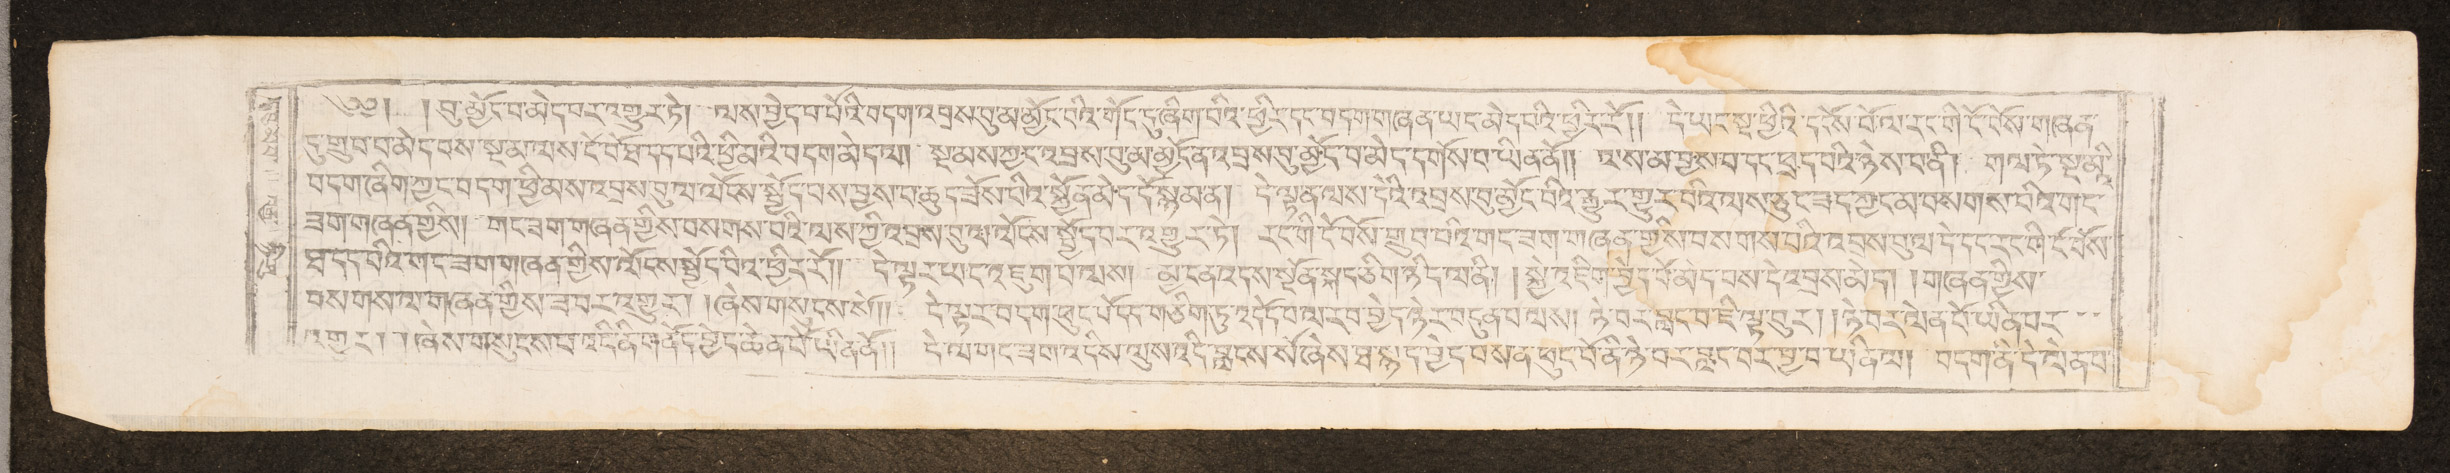༄༅། །བུ་མྱོང་བ་མེད་པར་འགྱུར་ཏེ། ལས་བྱེད་པ་པོའི་བདག་འབྲས་བུ་མ་མྱོང་བའི་གོང་དུ་ཞིག་པའི་ཕྱིར་དང་བདག་གཞན་ཡང་མེད་པའི་ཕྱིར་རོ།། དེ་ཡང་སྔ་ཕྱིའི་དངོས་པོ་ལ་རང་གི་ངོ་བོས་གཞན་
དུ་གྲུབ་པ་མེད་པས་སྔ་མ་ལས་ངོ་བོ་ཐ་དད་པའི་ཕྱི་མའི་བདག་མེད་ལ། སྔ་མས་ཀྱང་འབྲས་བུ་མ་མྱོང་ན་འབྲས་བུ་མྱོང་བ་མེད་དགོས་པ་ཡིན་ནོ། ལས་མ་བྱས་པ་དང་ཕྲད་པའི་ཉེས་པ་ནི། གལ་སྔ་མའི་
བདག་ཞིག་ཀྱང་བདག་ཕྱི་མས་འབྲས་བུ་ལ་ལོངས་སྤྱོད་པས་བྱས་པ་ཆུད་ཟོས་པའི་སྐྱོན་མེད་དོ་སྙམ་ན། དེ་ལྟ་ན་ལས་དེའི་འབྲས་བུ་མྱོང་བའི་རྒྱུར་གྱུར་བའི་ལས་ཅུང་ཟད་ཀྱང་མ་བསགས་པའི་གང་
ཟག་གཞན་གྱིས། གང་ཟག་གཞན་གྱིས་བསགས་པའི་ལས་ཀྱི་འབྲས་བུ་ལ་ལོངས་སྤྱོད་པར་འགྱུར་ཏེ། རང་གི་ངོ་བོར་གྲུབ་པའི་གང་ཟག་གཞན་གྱིས་བསགས་པའི་འབྲས་བུ་ལ་དེ་དང་རང་གི་ངོ་བོས་
ཐ་དད་པའི་གང་ཟག་གཞན་གྱིས་ལོངས་སྤྱོད་པའི་ཕྱིར་རོ།། དེ་ལྟར་ཡང་འཇུག་པ་ལས། མྱ་ངན་འདས་སྔོན་སྐད་ཅིག་ཉིད་ལ་ནི། །སྐྱེ་འཇིག་བྱེད་པོ་མེད་པས་དེ་འབྲས་མེད། །གཞན་གྱིས་
བསགས་ལ་གཞན་གྱིས་ཟ་བར་འགྱུར། །ཞེས་གསུངས་སོ།། དེ་ལྟར་བདག་ཕུང་པོ་དང་གཅིག་ཏུ་འདོད་པ་ལ་རབ་བྱེད་ཉེར་བདུན་པ་ལས། ཉེ་བར་བླང་བ་ཇི་ལྟ་བུར། །ཉེ་བར་ལེན་པོ་ཡིན་པར་
འགྱུར། །ཞེས་གསུངས་པ་འདི་ནི་གནོད་བྱེད་ཆེན་པོ་ཡིན་ནོ།། དེ་ལ་གང་ཟག་འདིས་ལུས་འདི་བླངས་སོ་ཞེས་ཐ་སྙད་བྱེད་པས་ན་ཕུང་པོ་ནི་ཉེ་བར་བླང་བར་བྱ་བ་ཡིན་ལ། བདག་ནི་དེ་ལེན་པ་